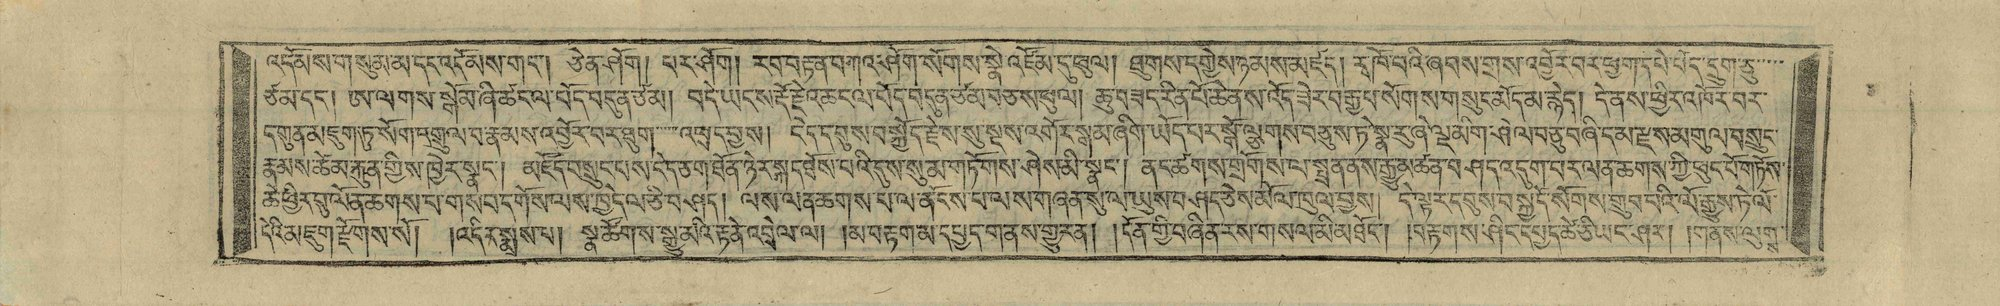འདོམས་གསུམ་མ་དང་འདོམས་གང་། ཅེན་ཤོག །པར་ཤོག །རབ་བརྟན་བཀའ་ཤོག་སོགས་སྣེ་འཛོམ་དུ་ཕུལ། ཐུགས་དགྱེས་ཉམས་མཛད། རྭ་ཁོ་བའི་ཞབས་གྲས་འབྱོར་བར་ཕྱག་དཔེ་པོད་དྲུག་ཅུ་
ཙམ་དང་། ཨ་ལགས་སྒོམ་ཞི་ཚང་ལ་པོད་བདུན་ཙམ། བདེ་ཡངས་རྡོ་རྗེ་འཆང་ལ་བོད་བདུན་ཙམ་བཅས་ཕུལ། ཆུ་བཟང་རིན་པོ་ཆེ་ནས་འོད་ཟེར་བརྒྱ་པ་སོགས་གསུང་མོད་མ་རྙེད། དེ་ནས་ཕྱིར་འཁོར་བར་
དགུན་མཇུག་ཏུ་སོག་འགྲུལ་བ་རྣམས་འབྱོར་བར་ཐུག་འཕྲད་བྱས། ངེད་དབུས་བསྐྱོད་རྗེས་སུ་སྔས་འགོར་སྒམ་ཞིག་ཡོད་པར་སྒོ་ལྕགས་བཅུས་ཏེ་སྣ་རུ་ཞེ་ལྔ་མིག་ཤེལ་བཅུ་བཞི་དམ་རྫས་མགུལ་བསྲུང་
རྣམས་ཆོམ་རྐུན་གྱིས་ཁྱེར་སྣང་། མཛོད་བསྲུང་པས་ངེད་ཅག་ཐོན་ཉེར་སྐད་ཐོས་པའི་དུས་སུ་མ་གཏོགས་ཤེས་མི་སྣང་། ནང་ཚགས་གྲོགས་ལ་སྤྲན་ནས་རྒྱུ་མཚན་བཤད་འདུག་པར་ལན་ཆགས་ཀྱི་ཕུང་པོ་གཏོས་
ཆེ་ཕྱིར་བུ་ལོན་ཆགས་པ་གསབ་དགོས་ལས་ཁྱེད་ལ་ཅི་བཤད། ལས་ལན་ཆགས་པ་ལ་ནོངས་པ་ལས་གཞན་སུ་ལ་ཡུས་བཤད་ཅེས་མོལ་ཁུལ་བྱས། དེ་ལྟར་དབུས་བསྐྱོད་སོགས་གྲུབ་པའི་ལོ་རྒྱུས་ཏེ་ལོ་
དེའི་མཇུག་རྫོགས་སོ། །འདིར་སྨྲས་པ། སྣ་ཚོགས་སྒྱུ་མའི་རྟེན་འབྲེལ་ལ། །མ་བརྟག་མ་དཔྱད་གནས་གྱུར་ན། །དོན་གྱི་བཞིན་རས་གསལ་མི་མཐོང་། །བརྟགས་ཤིང་དཔྱད་ཚེ་ཅི་ཡང་ཤར། །གནས་ལུགས་